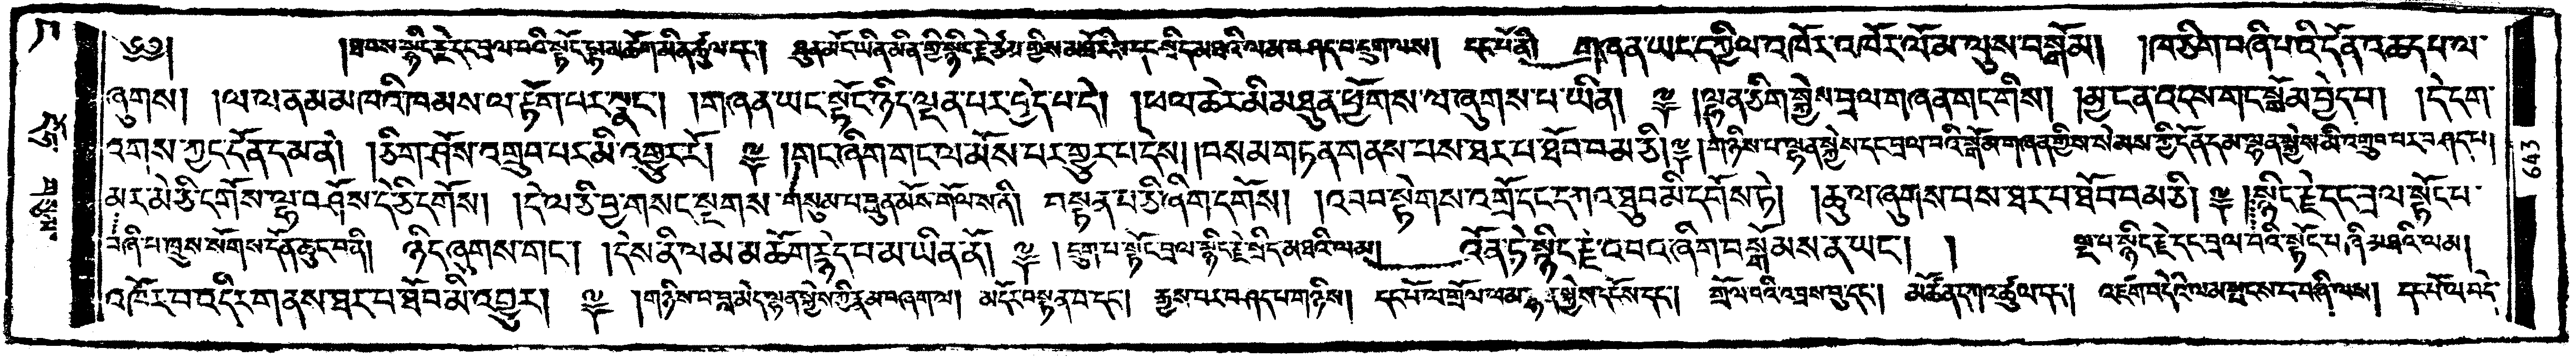༄༅། །ཐབས་སྙིང་རྗེ་དང་བྲལ་བའི་སྙོད་སྟ་མཆོག་མིན་ཚུལ་དང་། ཐུན་མོང་ཡིན་མིན་གྱི་སྙིང་རྗེ་ཙམ་གྱིས་མཐོ་རིས་དང་སྲིད་མཐའི་ལམ་བཤད་པ་དྲུག་ལས། དང་པོ་ནི། གཞན་ཡང་དཀྱིལ་འཁོར་འཁོར་ལོ་མ་ལུས་བསྒོམ། །ཁ་ཅིག་བཞི་པའི་དོན་འཆད་པ་ལ་
ཞུགས། །ལ་ལ་ནམ་མཁའི་ཁམས་ལ་རྟོག་པར་སྣང་། །གཞན་ཡང་སྟོང་ཉིད་ལྡན་པར་བྱེད་པ་དེ། །ཕལ་ཆེར་མི་མཐུན་ཕྱོགས་ལ་ཞུགས་པ་ཡིན། ༈ །ལྷན་ཅིག་སྐྱེས་བྲལ་གཞན་གང་གིས། །མྱ་ངན་འདས་གང་སྒོམ་བྱེད་པ། །དེ་དག་
འགས་ཀྱང་དོན་དམ་ནི། །ཅིག་ཤོས་འགྲུབ་པར་མི་འགྱུར་རོ། ༈ །གང་ཞིག་གང་ལ་མོས་པར་གྱུར་པ་དེས། །བསམ་གཏན་གནས་པས་ཐར་པ་ཐོབ་བ་མ་ཅི། ༈ །གཉིས་པ་ལྷན་སྐྱེས་དང་བྲལ་བའི་སྒོམ་གཞན་གྱིས་སེམས་ཀྱི་དོན་དམ་ལྷན་སྐྱེས་མི་འགྲུབ་བར་བཤད་པ།
མར་མེ་ཅི་དགོས་ལྷ་བཤོས་དེ་ཅི་དགོས། །དེ་ལ་ཅི་བྱ་གསང་སྔགས་གསུམ་པ་ཐུན་མོས་གོ་ལས་ནི། བསྟན་པ་ཅི་ཞིག་དགོས། །འབབ་སྟེགས་འགྲོ་དང་དཀའ་ཐུབ་མི་དགོས་ཏེ། །ཆུ་ལ་ཞུགས་པས་ཐར་པ་ཐོབ་བ་མ་ཅི། ༈ །སྙིང་རྗེ་དང་བྲལ་སྟོང་པ་
བཞི་པ་ཞུས་སོགས་དོན་ཆུང་བ་ནི། ཉིད་ཞུགས་གང་། །དེས་ནི་ལམ་མཆོག་རྙེད་པ་མ་ཡིན་ནོ། ༈ །དྲུག་པ་སྟོང་བྲལ་རྙིང་རྗེ་སྲིད་མཐའི་ལམ། འོ་ན་ཏེ་སྙིང་རྗེ་འབའ་ཞིག་བསྒོམས་ན་ཡང་། །ལྔ་པ་སྙིང་རྗེ་དང་བྲལ་བའི་སྟོང་བཞི་མཐའི་ལམ།
འཁོར་བ་འདིར་གནས་ཐར་བ་ཐོབ་མི་འགྱུར། ༈ །གཉིས་པ་བླ་མེད་ལྷན་སྐྱས་ཀྱི་རྣམ་བཞག་ལ། མདོར་བསྟན་པ་དང་། རྒྱས་པར་བཤད་པ་གཉིས། དང་པོ་ལ་གྲོལ་ཕམ་ལྷན་སྐྱེས་དངོས་དང་། གྲོལ་བའི་འབྲས་བུ་དང་། མཚོན་དཀའ་ཚུལ་དང་། འཛག་བདེའི་ལམ་སྤངས་པ་བཞི་ལས། དང་པོ་ལ་བོད་